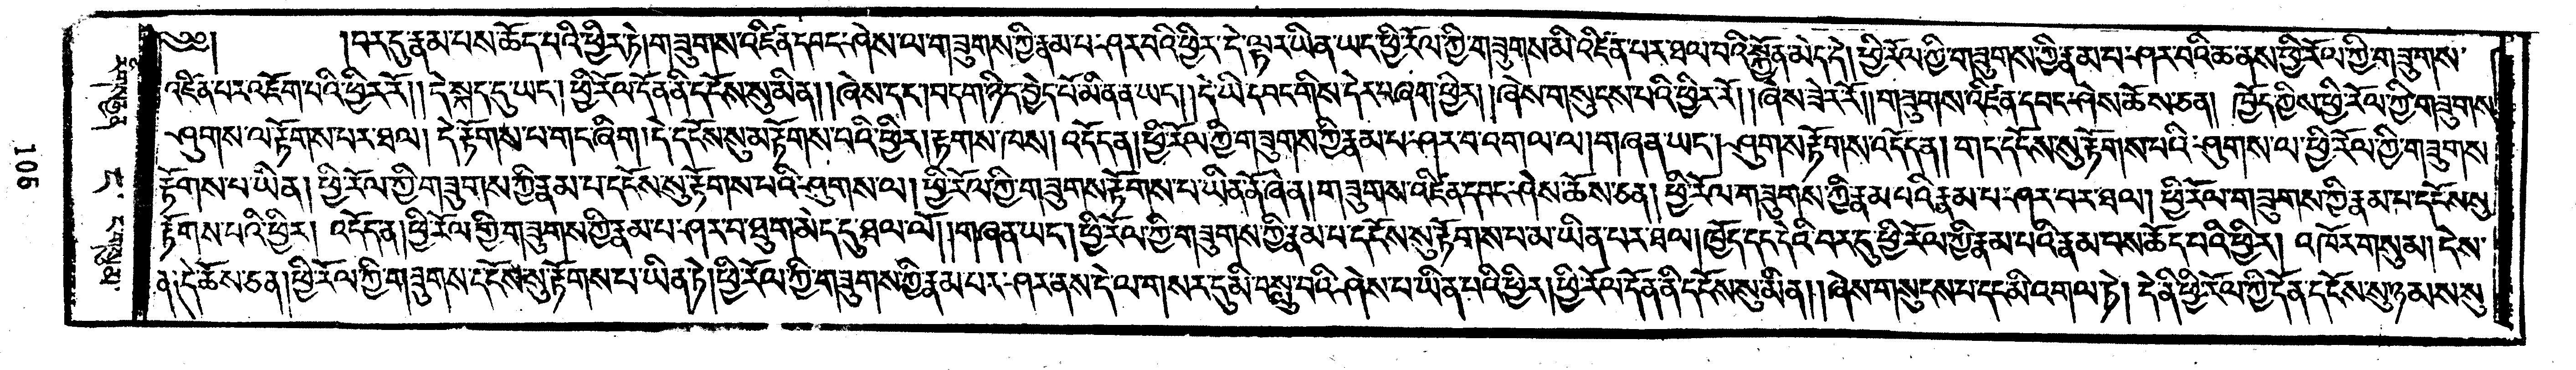༄༅། །བར་དུ་རྣམ་པས་ཆོད་པའི་ཕྱིར་ཏེ། གཟུགས་འཛིན་དབང་ཤེས་ལ་གཟུགས་ཀྱི་རྣམ་པ་ཤར་བའི་ཕྱིར། དེ་ལྟར་ཡིན་ཡང་ཕྱི་རོལ་ཀྱི་གཟུགས་མི་འཛིན་པར་ཐལ་བའི་སྐྱོན་མེད་དེ། ཕྱི་རོལ་ཀྱི་གཟུགས་ཀྱི་རྣམ་པ་ཤར་བའི་ཆ་ནས་ཕྱི་རོལ་ཀྱི་གཟུགས་
འཛིན་པར་འཇོག་པའི་ཕྱིར་རོ། །དེ་སྐད་དུ་ཡང་། ཕྱི་རོལ་དོན་ནི་དངོས་སུ་མིན། །ཞེས་དང་། བདག་ཉིད་བྱེད་པོ་མིན་ན་ཡང་། །དེ་ཡི་དབང་གིས་དེར་བཞག་ཕྱིར། །ཞེས་གསུངས་པའི་ཕྱིར་རོ། །ཞེས་ཟེར་རོ། །གཟུགས་འཛིན་དབང་ཤེས་ཆོས་ཅན། ཁྱོད་ཀྱིས་ཕྱི་རོལ་ཀྱི་གཟུགས་
ཤུགས་ལ་རྟོགས་པར་ཐལ། དེ་རྟོགས་པ་གང་ཞིག །དེ་དངོས་སུ་མ་རྟོགས་པའི་ཕྱིར། རྟགས་ཁས། འདོད་ན། ཕྱི་རོལ་ཀྱི་གཟུགས་ཀྱི་རྣམ་པ་ཤར་བ་འགལ་ལ། གཞན་ཡང་། ཤུགས་རྟོགས་འདོད་ན། གང་དངོས་སུ་རྟོགས་པའི་ཤུགས་ལ་ཕྱི་རོལ་ཀྱི་གཟུགས་
རྟོགས་པ་ཡིན། ཕྱི་རོལ་ཀྱི་གཟུགས་ཀྱི་རྣམ་པ་དངོས་སུ་རྟོགས་པའི་ཤུགས་ལ། ཕྱི་རོལ་ཀྱི་གཟུགས་རྟོགས་པ་ཡིན་ནོ་ཞེ་ན། གཟུགས་འཛིན་དབང་ཤེས་ཆོས་ཅན། ཕྱི་རོལ་གཟུགས་ཀྱི་རྣམ་པའི་རྣམ་པ་ཤར་བར་ཐལ། ཕྱི་རོལ་གཟུགས་ཀྱི་རྣམ་པ་དངོས་སུ་
རྟོགས་པའི་ཕྱིར། འདོད་ན། ཕྱི་རོལ་ཀྱི་གཟུགས་ཀྱི་རྣམ་པ་ཤར་བ་ཐུག་མེད་དུ་ཐལ་ལོ། །གཞན་ཡང་། ཕྱི་རོལ་ཀྱི་གཟུགས་ཀྱི་རྣམ་པ་དངོས་སུ་རྟོགས་པ་མ་ཡིན་པར་ཐལ། ཁྱོད་དང་དེའི་བར་དུ་ཕྱི་རོལ་ཀྱི་རྣམ་པའི་རྣམ་པས་ཆོད་པའི་ཕྱིར། འཁོར་གསུམ། དེས་
ན༑ དེ་ཆོས་ཅན། ཕྱི་རོལ་ཀྱི་གཟུགས་དངོས་སུ་རྟོགས་པ་ཡིན་ཏེ། ཕྱི་རོལ་ཀྱི་གཟུགས་ཀྱི་རྣམ་པར་ཤར་ནས་དེ་ལ་གསར་དུ་མི་བསླུ་བའི་ཤེས་པ་ཡིན་པའི་ཕྱིར། ཕྱི་རོལ་དོན་ནི་དངོས་སུ་མིན། །ཞེས་གསུངས་པ་དང་མི་འགལ་ཏེ། དེ་ནི་ཕྱི་རོལ་ཀྱི་དོན་དངོས་སུ་ཉམས་སུ་